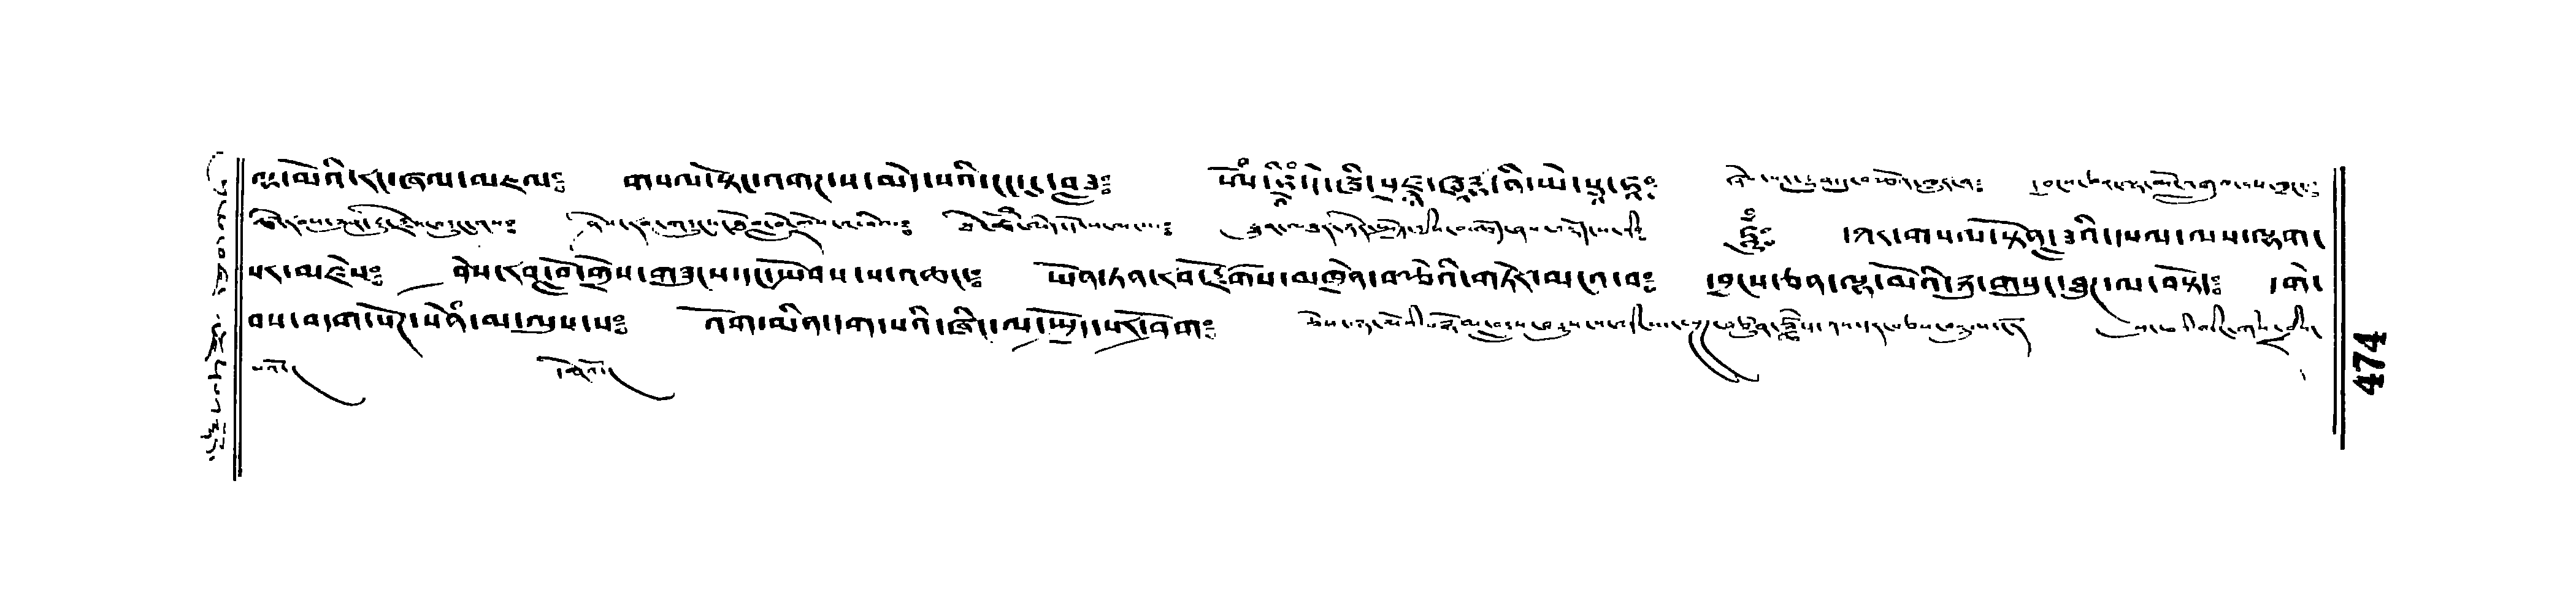ལྷ་མོའི་རང་ཞལ་མཇལ༔ གསལ་སྟོང་འགགས་པ་མེད་པའི་ངང་དུ་བཟླ༔ ཨོཾ་ཧྲཱིཾ་དེ་ཝི་པྲཛྙཱ་ཝཱརྡྷ་ནི་ཡེ་སྭཱ་ཧཱཿ ཞེས་པར་རྒྱུན་དུ་བརྩོན་གྱུར་ན༔ དབྱངས་ཅན་ལྷ་མོ་འགྲུབ་ནས་ཀྱང༔ 
ཚེ་རབས་ཀུན་ཏུ་རྗེས་བཟུང་ནས༔ ཤེས་རབ་གཟུངས་ཐོབ་བློ་གྲོས་འཕེལ༔ ཐེ་ཚོམ་མེད་དོ་ས་མ་ཡ༔ ཐུན་མཐར་ཉེར་སྤྱོད་ཀྱིས་མཆོད་ནས༔ བསྟོད་པ་ནི༔ ཧཱུྃ༔ དཀར་གསལ་སྟོན་ཟླའི་དཔལ་ལས་ལྷག་
པར་མཛེས༔ ཤེས་རབ་བློ་གྲོས་གཟུངས་དང་སྤོབས་པ་འཆང༔ ཡོན་ཏན་རབ་རྫོགས་མཁྱེན་བརྩེའི་གཏེར་མངའ་བ༔ དབྱངས་ཅན་ལྷ་མོའི་སྐུ་གསུང་ཐུགས་ལ་བསྟོད༔ དགེ་
བས་བདག་སོགས་སེམས་ཅན་མ་ལུས་པ༔ འོག་མིན་དག་པའི་ཞིང་ལ་སྤྱོད་པར་ཤོག༔ ཅེས་ལྷ་མོའི་བསྒོམ་བཟླས་བསྡུས་པ་འདི་ཡང་སྔགས་བཙུན་ཙྪེ་ད་ཀས་དར་བཅས་བསྐུལ་ངོར། སུ་ཁའི་མིང་གིས་བྲིས་
པའོ།། དགེའོ།།